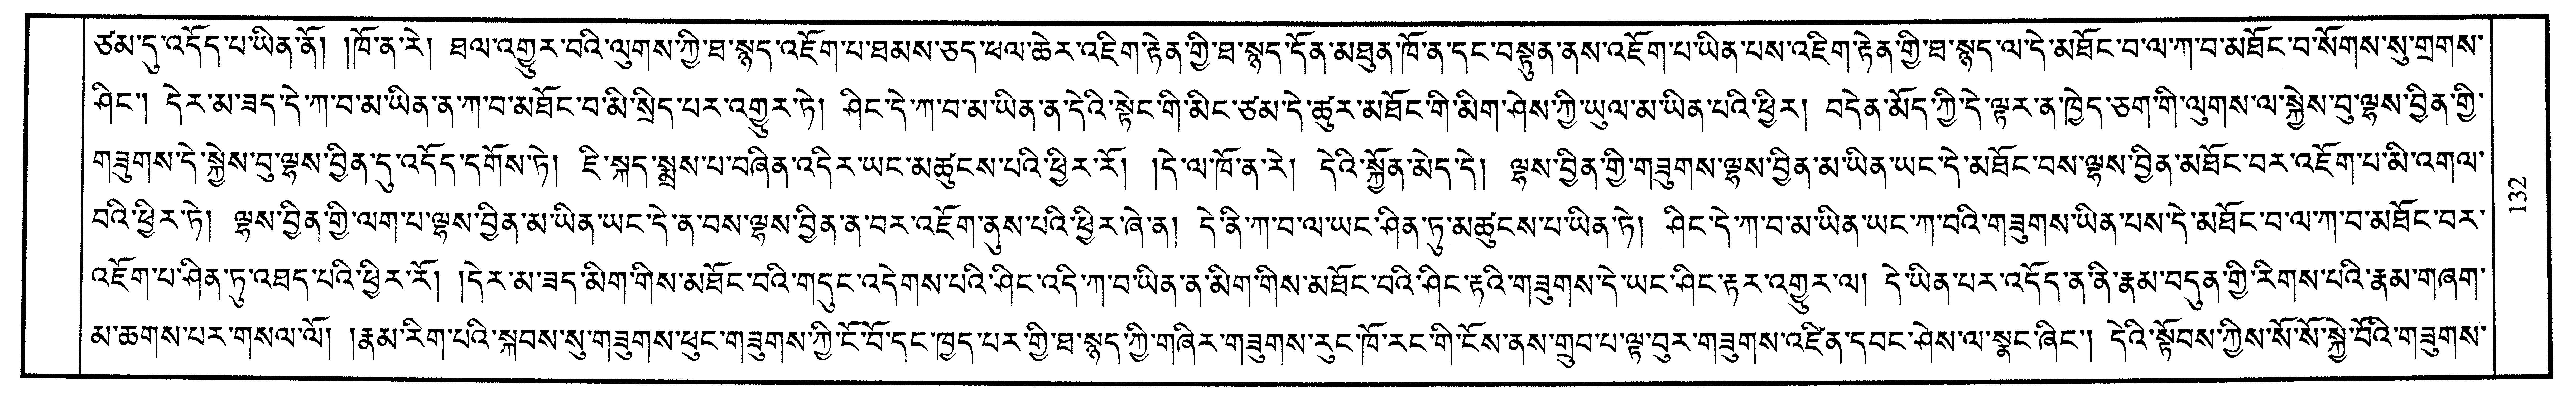ཙམ་དུ་འདོད་པ་ཡིན་ནོ། །ཁོ་ན་རེ། ཐལ་འགྱུར་བའི་ལུགས་ཀྱི་ཐ་སྙད་འཇོག་པ་ཐམས་ཅད་ཕལ་ཆེར་འཇིག་རྟེན་གྱི་ཐ་སྙད་དོན་མཐུན་ཁོ་ན་དང་བསྟུན་ནས་འཇོག་པ་ཡིན་པས་འཇིག་རྟེན་གྱི་ཐ་སྙད་ལ་དེ་མཐོང་བ་ལ་ཀ་བ་མཐོང་བ་སོགས་སུ་གྲགས་
ཤིང་། དེར་མ་ཟད་དེ་ཀ་བ་མ་ཡིན་ན་ཀ་བ་མཐོང་བ་མི་སྲིད་པར་འགྱུར་ཏེ། ཤིང་དེ་ཀ་བ་མ་ཡིན་ན་དེའི་སྟེང་གི་མིང་ཙམ་དེ་ཚུར་མཐོང་གི་མིག་ཤེས་ཀྱི་ཡུལ་མ་ཡིན་པའི་ཕྱིར། བདེན་མོད་ཀྱི་དེ་ལྟར་ན་ཁྱེད་ཅག་གི་ལུགས་ལ་སྐྱེས་བུ་ལྷས་བྱིན་གྱི་
གཟུགས་དེ་སྐྱེས་བུ་ལྷས་བྱིན་དུ་འདོད་དགོས་ཏེ། ཇི་སྐད་སྨྲས་པ་བཞིན་འདིར་ཡང་མཚུངས་པའི་ཕྱིར་རོ། །དེ་ལ་ཁོ་ན་རེ། དེའི་སྐྱོན་མེད་དེ། ལྷས་བྱིན་གྱི་གཟུགས་ལྷས་བྱིན་མ་ཡིན་ཡང་དེ་མཐོང་བས་ལྷས་བྱིན་མཐོང་བར་འཇོག་པ་མི་འགལ་
བའི་ཕྱིར་ཏེ། ལྷས་བྱིན་གྱི་ལག་པ་ལྷས་བྱིན་མ་ཡིན་ཡང་དེ་ན་བས་ལྷས་བྱིན་ན་བར་འཇོག་ནུས་པའི་ཕྱིར་ཞེ་ན། དེ་ནི་ཀ་བ་ལ་ཡང་ཤིན་ཏུ་མཚུངས་པ་ཡིན་ཏེ། ཤིང་དེ་ཀ་བ་མ་ཡིན་ཡང་ཀ་བའི་གཟུགས་ཡིན་པས་དེ་མཐོང་བ་ལ་ཀ་བ་མཐོང་བར་
འཇོག་པ་ཤིན་ཏུ་འཐད་པའི་ཕྱིར་རོ། །དེར་མ་ཟད་མིག་གིས་མཐོང་བའི་གདུང་འདེགས་པའི་ཤིང་འདི་ཀ་བ་ཡིན་ན་མིག་གིས་མཐོང་བའི་ཤིང་རྟའི་གཟུགས་དེ་ཡང་ཤིང་རྟར་འགྱུར་ལ། དེ་ཡིན་པར་འདོད་ན་ནི་རྣམ་བདུན་གྱི་རིགས་པའི་རྣམ་གཞག་
མ་ཆགས་པར་གསལ་ལོ། །རྣམ་རིག་པའི་སྐབས་སུ་གཟུགས་ཕུང་གཟུགས་ཀྱི་ངོ་བོ་དང་ཁྱད་པར་གྱི་ཐ་སྙད་ཀྱི་གཞིར་གཟུགས་རུང་ཁོ་རང་གི་ངོས་ནས་གྲུབ་པ་ལྟ་བུར་གཟུགས་འཛིན་དབང་ཤེས་ལ་སྣང་ཞིང་། དེའི་སྟོབས་ཀྱིས་སོ་སོ་སྐྱེ་བོའི་གཟུགས་